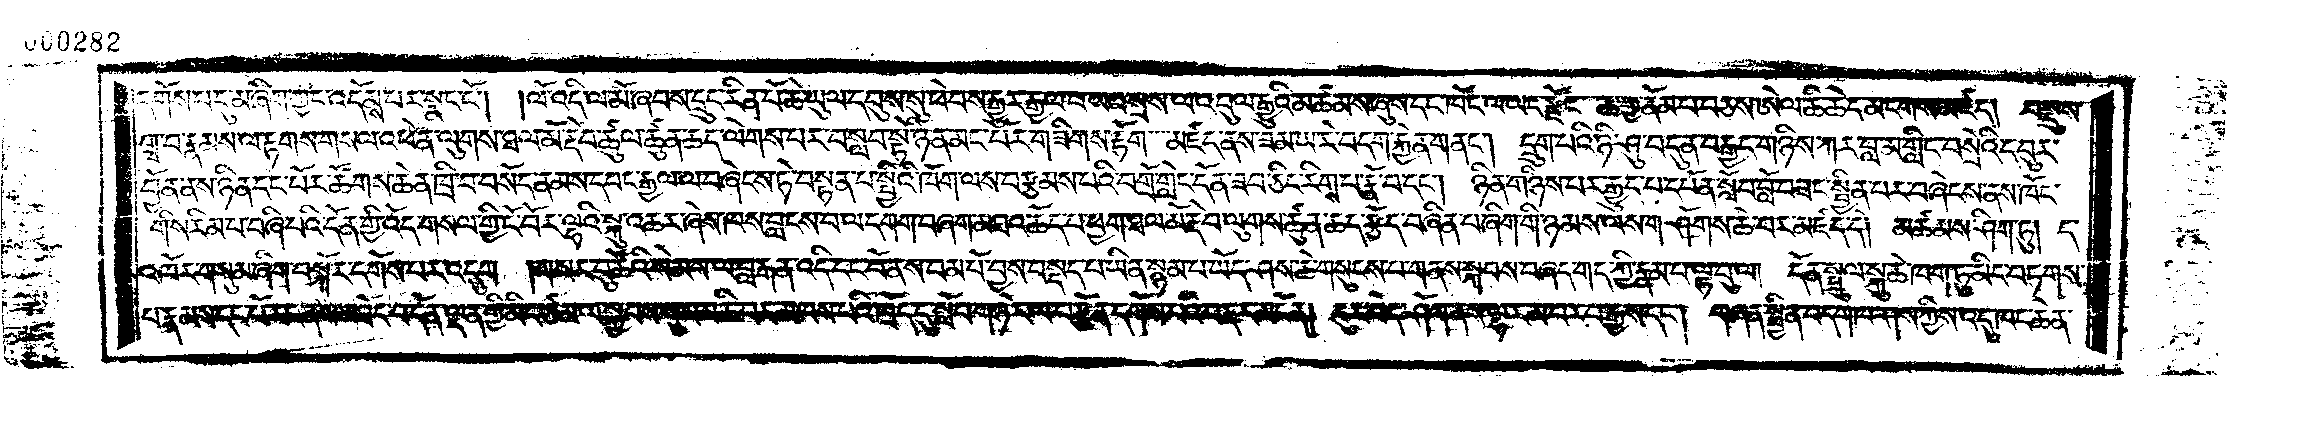དགོས་པ་དུ་མ་ཞིག་ཀྱང་འདོམས་པར་སྣང་ངོ། །ལོ་འདི་ལ་མོ་ཞབས་དྲུང་རིན་པོ་ཆེ་ཡུལ་དབུས་སུ་ཕེབས་རྒྱུར་རྒྱལ་བ་ཡབ་སྲས་ལ་འབུལ་རྒྱུའི་མཚམས་ཞུས་དང་ཁོང་ལ་ཡང་རྫོང་ཆ་གྱ་ནོམ་པ་བཅས་ཨེལ་ཆི་ཆེད་མངགས་མཛད། བསྡུས་
གྲྭ་བ་རྣམས་ལ་རྟགས་གསལ་འཕེན་ལུགས་ཐལ་མོ་རྡེབ་ཚུལ་ཚུན་ཆད་ལེགས་པར་བསླབ་སྟེ་ཉིན་མང་པོར་གཟིགས་རྟོག་མཛད་ནས་ཟམ་ཡ་རེ་བདག་རྐྱེན་གནང་། དྲུག་པའི་ཉི་ཤུ་བདུན་བརྒྱད་གཉིས་ཀར་བླ་མ་གླིང་བསྲེའི་དབུར་
བྱོན་ནས་ཉིན་དང་པོར་ཚོགས་ཆེན་ཁྲི་བ་བསོད་ནམས་དབང་རྒྱལ་ལ་བཞེངས་ཏེ་བསྟན་པ་སྤྱིའི་ཁོག་ལས་བརྩམས་པའི་བགྲོ་གླེང་དོན་ཟབ་ཅིང་རིགས་པ་རྣོ་བ་དང་། ཉིན་གཉིས་པར་རྒྱུད་པ་དཔོན་སློབ་བློ་བཟང་སྦྱིན་པར་བཞེངས་ནས་ཁོང་
གིས་རིམ་པ་བཞི་པའི་དོན་གྱི་འོད་གསལ་གྱི་ངོ་བོར་ལྷའི་སྐུ་འཆར་ཞེས་ཁས་བླངས་པ་ལ་དགག་བཞག་མཐའ་ཆོད་པ་ཕྱག་ཐལ་མོ་རྡེབ་ལུགས་ཚུན་ཆད་རྩོད་བཞིན་པ་ཞིག་གི་ཉམས་ལས་གཤོགས་ཆེ་བར་མཛད་དེ། མཚམས་ཤིག་ཏུ། ད་
འཁོར་གསུམ་ཞིག་བསྐོར་དགོས་པར་འདུག། གསར་བུ་ཚོའི་སེམས་ལ་བླ་རྒན་འདི་དང་པོ་ནས་བམ་པོ་བྱས་བསྡད་པ་ཡིན་སྙམ་པ་ཡོད་ཤས་ཆེ་གསུངས་པ་གནས་སྐབས་བཞད་གད་ཀྱི་རྣམ་པ་ལྟ་བུ་ལ། དོན་སྤྲུལ་སྐུ་ཆེ་ཁག་ཏུ་མིང་བཏགས་
པ་རྣམས་དང་པོ་རང་ནས་མཐོང་བ་དོན་ལྡན་གྱི་མིང་ཙམ་ལ་སྐྱབས་སུ་མ་མཆི་བར་མཁས་པའི་ཁྲོད་དུ་སློབ་གཉེར་ལ་བརྩོན་དགོས་པའི་བརྡར་མངོན། དུར་བདེ་ཤོག་ནས་ལྷ་རམ་པ་རབ་རྒྱས་དང་། གཞན་སྦྱིན་བདག་ཁ་ཤས་ཀྱིས་འདུ་ཁང་ཆེན་